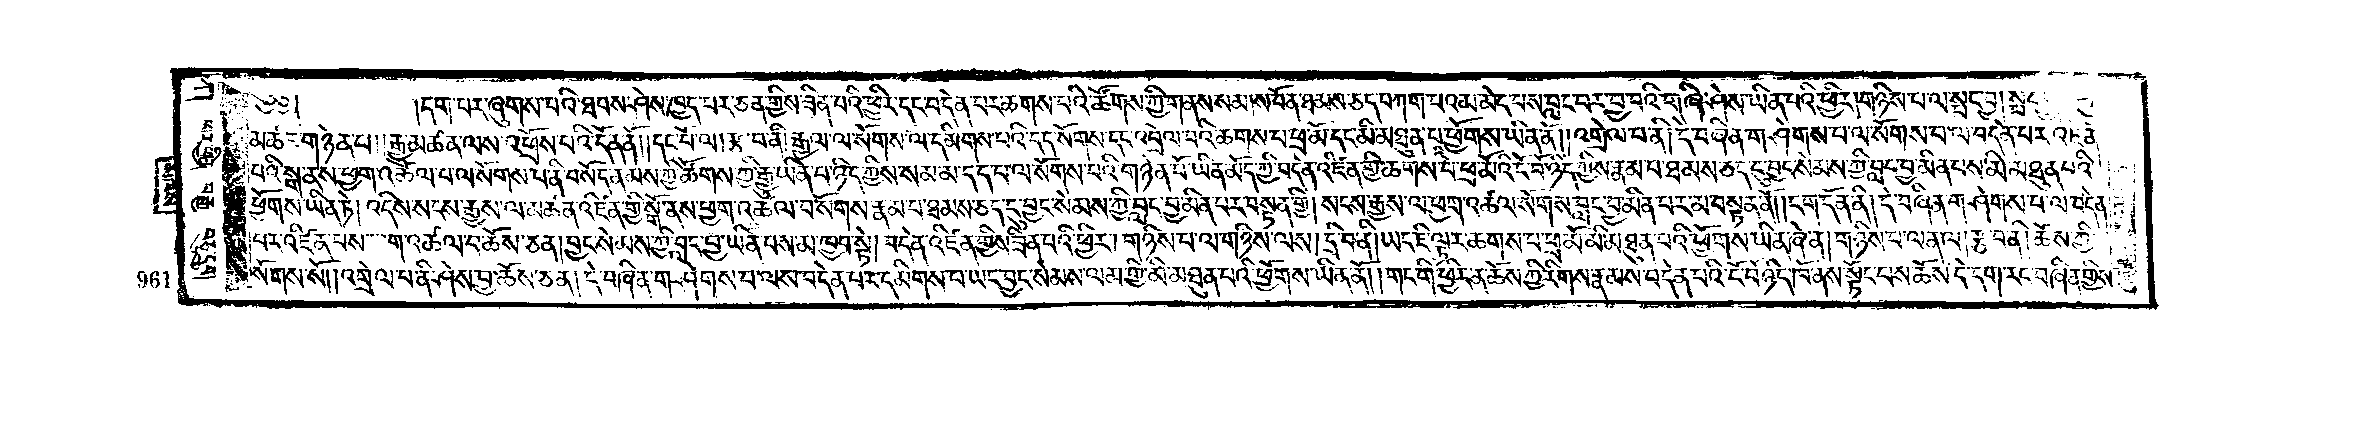༄༅། །དག་པར་ཞུགས་པའི་ཐབས་ཤེས་ཁྱད་པར་ཅན་གྱིས་ཟིན་པའི་ཕྱིར་དང་བདེན་པར་ཆགས་པའི་ཚོགས་ཀྱི་གནས་སམ། ས་བོན་ཐམས་ཅད་བཀག་པའམ་མེད་པས་བླང་བར་བྱ་བའི་གཞི་ཤེས་ཡིན་པའི་ཕྱིར། གཉིས་པ་ལ་སྤང་བྱ། སྤང་བྱའི་རྒྱུ་
མཚང་གཉེན་པ། །རྒྱུ་མཚན་ལས་འཕྲོས་པའི་དོན་ནོ། །དང་པོ་ལ། རྩ་བ་ནི། རྒྱལ་ལ་སོགས་ལ་དམིགས་པའི་དད་སོགས་དང་འབྲེལ་བའི་ཆགས་པ་ཕྲ་མོ་དང་མི་མཐུན་པ་ཕྱོགས་ཡིན་ནོ། །འགྲེལ་པ་ནི། དེ་བཞིན་གཤེགས་པ་ལ་སོགས་པ་ལ་བདེན་པར་འཛིན་
པའི་སྒོ་ནས་ཕྱག་འཚལ་པ་ལ་སོགས་པ་ནི་བསོད་ནམས་ཀྱི་ཚོགས་ཀྱི་རྒྱུ་ཡིན་པ་ཉིད་ཀྱིས་སམ་མ་དད་པ་ལ་སོགས་པའི་གཉེན་པོ་ཡིན་མོད་ཀྱི་བདེན་འཛིན་གྱི་ཆགས་པ་ཕྲ་མོའི་ངོ་བོ་ཉིད་ཀྱིས་རྣམ་པ་ཐམས་ཅད་དུ་བྱང་སེམས་ཀྱི་བླང་བྱ་མིན་པས་མི་མཐུན་པའི་
ཕྱོགས་ཡིན་ཏེ། འདིས་སངས་རྒྱས་ལ་མཚན་འཛིན་གྱི་སྒོ་ནས་ཕྱག་འཚལ་བ་སོགས་རྣམ་པ་ཐམས་ཅད་དུ་བྱང་སེམས་ཀྱི་བླང་བྱ་མིན་པར་བསྟན་གྱི། སངས་རྒྱས་ལ་ཕྱག་འཚལ་སོགས་བླང་བྱ་མིན་པར་མ་བསྟན་ནོ། །ངག་དོན་ནི། དེ་བཞིན་གཤེགས་པ་ལ་བདེན་
པར་འཛིན་པས་ག་འཚལ་བ་ཆོས་ཅན། བྱང་སེམས་ཀྱི་བླང་བྱ་ཡིན་པས་མ་ཁྱབ་སྟེ། བདེན་འཛིན་གྱིས་ཟིན་པའི་ཕྱིར། གཉིས་པ་ལ་གཉིས་ལས། དྲི་བ་ནི། ཡང་ཇི་ལྟར་ཆགས་པ་ཕྲ་མོ་མི་མཐུན་པའི་ཕྱོགས་ཡིན་ཞེ་ན། གཉིས་པ་ལན་ལ། རྩ་བ་ནི། ཆོས་ཀྱི་
སོགས་སོ། །འགྲེལ་པ་ནི་ཤེས་བྱ་ཆོས་ཅན། དེ་བཞིན་གཤེགས་པ་ལས་བདེན་པར་དམིགས་པ་ཡང་བྱང་སེམས་ལམ་གྱི་མི་མཐུན་པའི་ཕྱོགས་ཡིན་ནོ། །གང་གི་ཕྱིར་ན་ཆོས་ཀྱི་རིགས་རྣམས་བདེན་པའི་ངོ་བོ་ཉིད་ཁོ་ནས་སྟོང་པས་ཆོས་དེ་དག་རང་བཞིན་གྱིས་